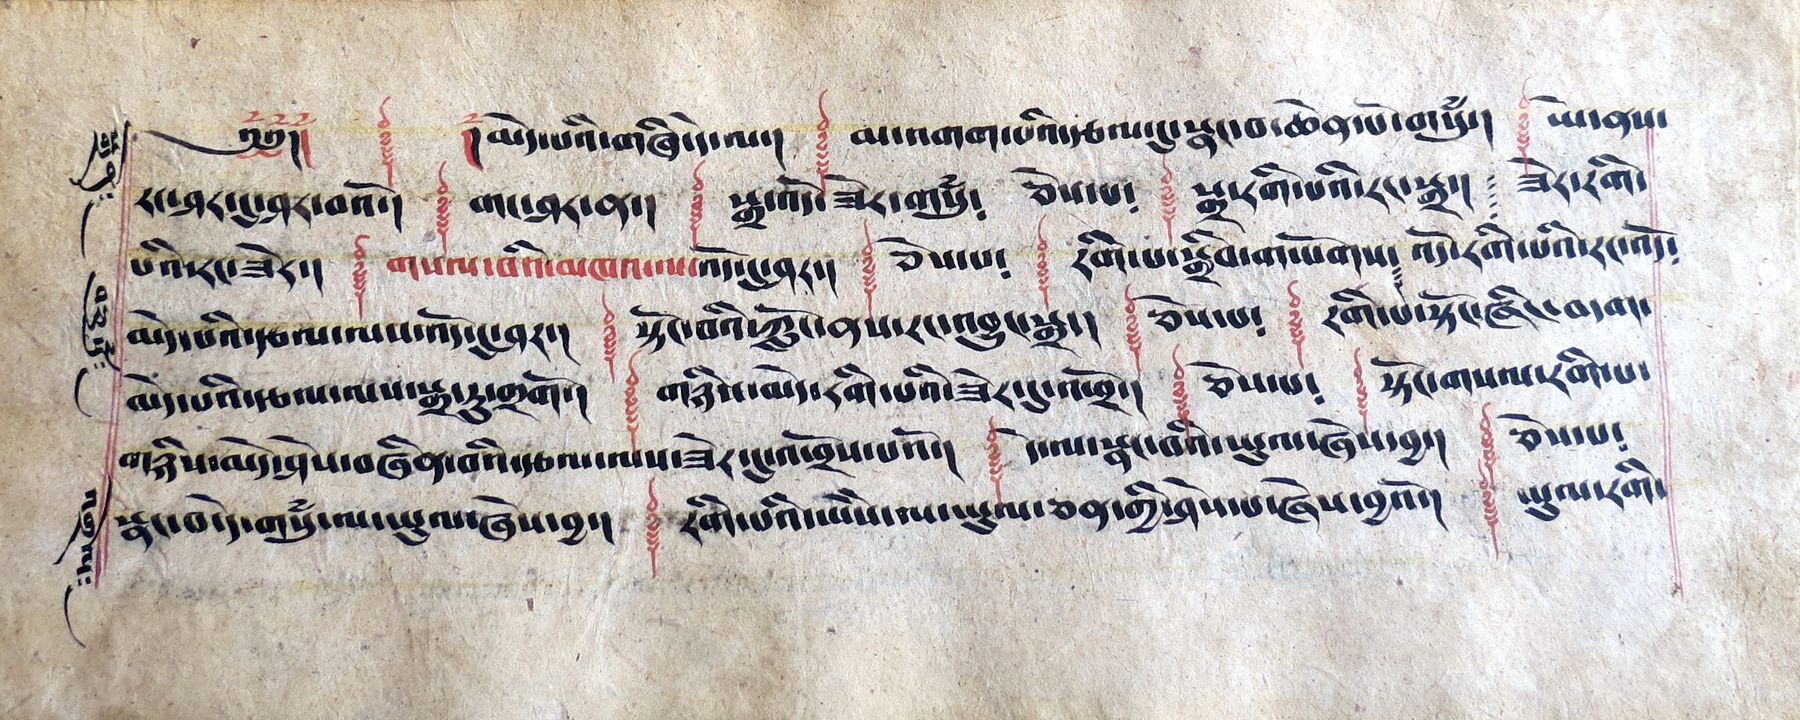མེད་པའི་གཞི་དེ་ལ། མ་འགགས་པའི་རྩལ་དུ་སྣང་བ་ཆེན་པོ་གསུམ། ཡེ་ནས་
རང་ཤར་དུ་ཤར་བའོ། །གང་ཤར་ན་སྒྲ་འོད་ཟེར་གསུམ་ཞེས་པས། སྒྲ་རིག་པའི་རང་སྒྲ། ཟེར་རིག་
པའི་རང་ཟེར། །གསལ་བའི་མཁའ་ལ་འོད་དུ་ཤར། །ཅེས་པས་རིག་པ་སྒྲིབ་གཡོགས་འོད་རིག་པའི་རང་འོད་
མེད་པའི་རྩལ་ལས་འོད་དུ་ཤར། སྟོང་བའི་ཀློང་ནས་རང་བྱུང་སྒྲ། །ཞེས་པས་རིག་པ་སྟོང་ཞིང་བདག་
མེད་པའི་རྩལ་ལས་སྒྲ་རུ་གྲག་གོ། གཉིས་མེད་རིག་པའི་ཟེར་དུ་འཕྲོས་ཞེས་པས། སྟོང་གསལ་རིག་པ་
གཉིས་མེད་ཤེས་བཞིན་པའི་རྩལ་ལས་ཟེར་དུ་འཕྲོས་པའོ། །དེ་ལ་སྣང་བའི་ཡུལ་ཞེས་བྱ། །ཞེས་པས་
སྣང་བ་དེ་གསུམ་ལ་ཡུལ་ཞེས་བྱ། རིག་པའི་ཡེ་ཤེས་ལ་ཡུལ་ཅན་གྱི་ཤེས་པ་ཞེས་བྱའོ། །ཡུལ་རིག་